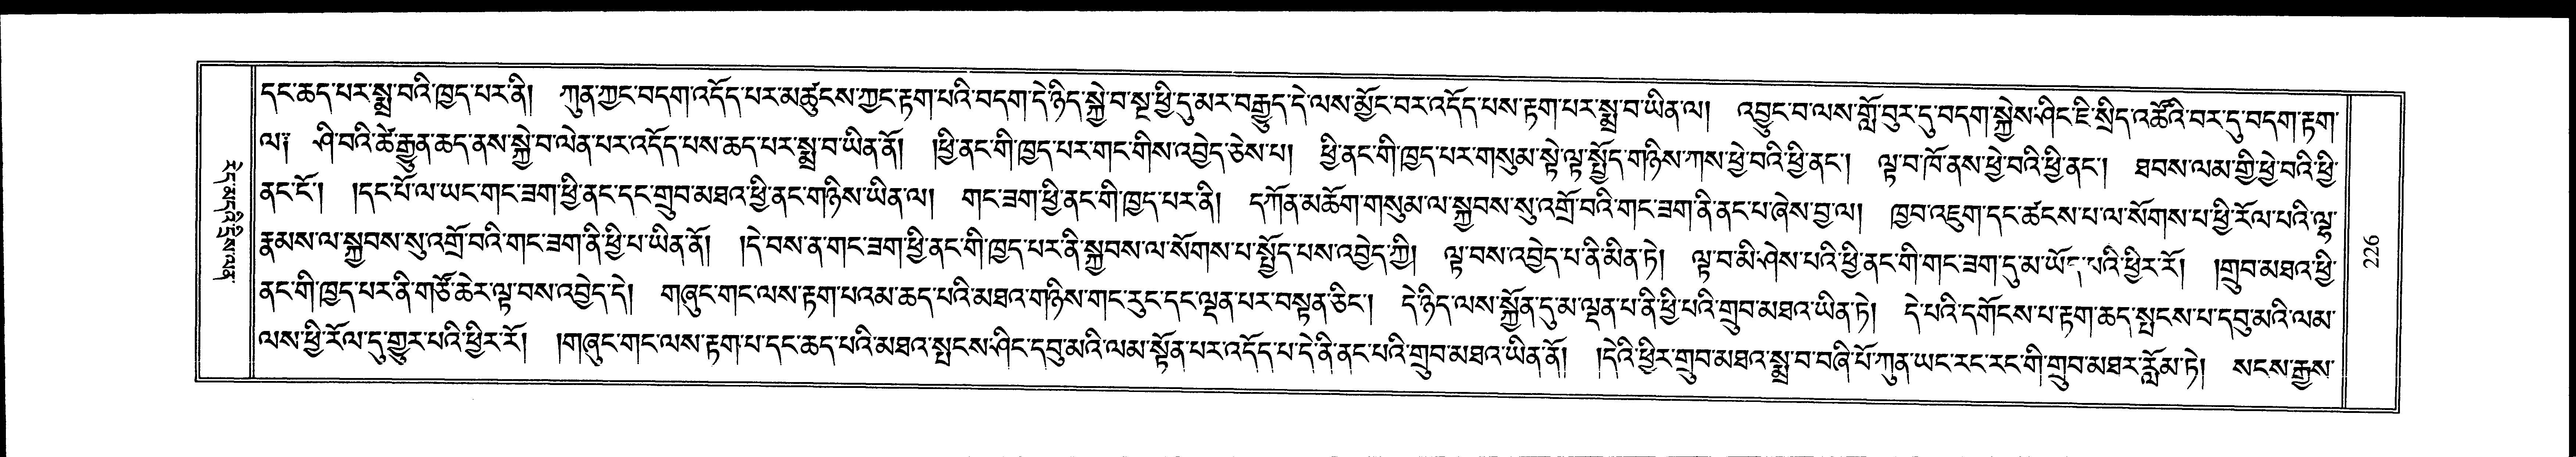དང་ཆད་པར་སྨྲ་བའི་ཁྱད་པར་ནི། ཀུན་ཀྱང་བདག་འདོད་པར་མཚུངས་ཀྱང་རྟག་པའི་བདག་དེ་ཉིད་སྐྱེ་བ་སྔ་ཕྱི་དུ་མར་བརྒྱུད་དེ་ལས་མྱོང་བར་འདོད་པས་རྟག་པར་སྨྲ་བ་ཡིན་ལ། འབྱུང་བ་ལས་གློ་བུར་དུ་བདག་སྐྱེས་ཤིང་ཇི་སྲིད་འཚོའི་བར་དུ་བདག་རྟག་
ལ། ཤི་བའི་ཚེ་རྒྱུན་ཆད་ནས་སྐྱེ་བ་ལེན་པར་འདོད་པས་ཆད་པར་སྨྲ་བ་ཡིན་ནོ། །ཕྱི་ནང་གི་ཁྱད་པར་གང་གིས་འབྱེད་ཅེས་པ། ཕྱི་ནང་གི་ཁྱད་པར་གསུམ་སྟེ་ལྟ་སྤྱོད་གཉིས་ཀས་ཕྱེ་བའི་ཕྱི་ནང་། ལྟ་བ་ཁོ་ནས་ཕྱེ་བའི་ཕྱི་ནང་། ཐབས་ལམ་གྱི་ཕྱེ་བའི་ཕྱི་
ནང་ངོ། །དང་པོ་ལ་ཡང་གང་ཟག་ཕྱི་ནང་དང་གྲུབ་མཐའ་ཕྱི་ནང་གཉིས་ཡིན་ལ། གང་ཟག་ཕྱི་ནང་གི་ཁྱད་པར་ནི། དཀོན་མཆོག་གསུམ་ལ་སྐྱབས་སུ་འགྲོ་བའི་གང་ཟག་ནི་ནང་པ་ཞེས་བྱ་ལ། ཁྱབ་འཇུག་དང་ཚངས་པ་ལ་སོགས་པ་ཕྱི་རོལ་པའི་ལྷ་
རྣམས་ལ་སྐྱབས་སུ་འགྲོ་བའི་གང་ཟག་ནི་ཕྱི་པ་ཡིན་ནོ། །དེ་བས་ན་གང་ཟག་ཕྱི་ནང་གི་ཁྱད་པར་ནི་སྐྱབས་ལ་སོགས་པ་སྤྱོད་པས་འབྱེད་ཀྱི། ལྟ་བས་འབྱེད་པ་ནི་མིན་ཏེ། ལྟ་བ་མི་ཤེས་པའི་ཕྱི་ནང་གི་གང་ཟག་དུ་མ་ཡོད་པའི་ཕྱིར་རོ། །གྲུབ་མཐའ་ཕྱི་
ནང་གི་ཁྱད་པར་ནི་གཙོ་ཆེར་ལྟ་བས་འབྱེད་དེ། གཞུང་གང་ལས་རྟག་པའམ་ཆད་པའི་མཐའ་གཉིས་གང་རུང་དང་ལྡན་པར་བསྟན་ཅིང་། དེ་ཉིད་ལས་སྐྱོན་དུ་མ་ལྡན་པ་ནི་ཕྱི་པའི་གྲུབ་མཐའ་ཡིན་ཏེ། དེ་པའི་དགོངས་པ་རྟག་ཆད་སྤངས་པ་དབུ་མའི་ལམ་
ལས་ཕྱི་རོལ་དུ་གྱུར་པའི་ཕྱིར་རོ། །གཞུང་གང་ལས་རྟག་པ་དང་ཆད་པའི་མཐའ་སྤངས་ཤིང་དབུ་མའི་ལམ་སྟོན་པར་འདོད་པ་དེ་ནི་ནང་པའི་གྲུབ་མཐའ་ཡིན་ནོ། །དེའི་ཕྱིར་གྲུབ་མཐའ་སྨྲ་བ་བཞི་པོ་ཀུན་ཡང་རང་རང་གི་གྲུབ་མཐར་རློམ་ཏེ། སངས་རྒྱས་